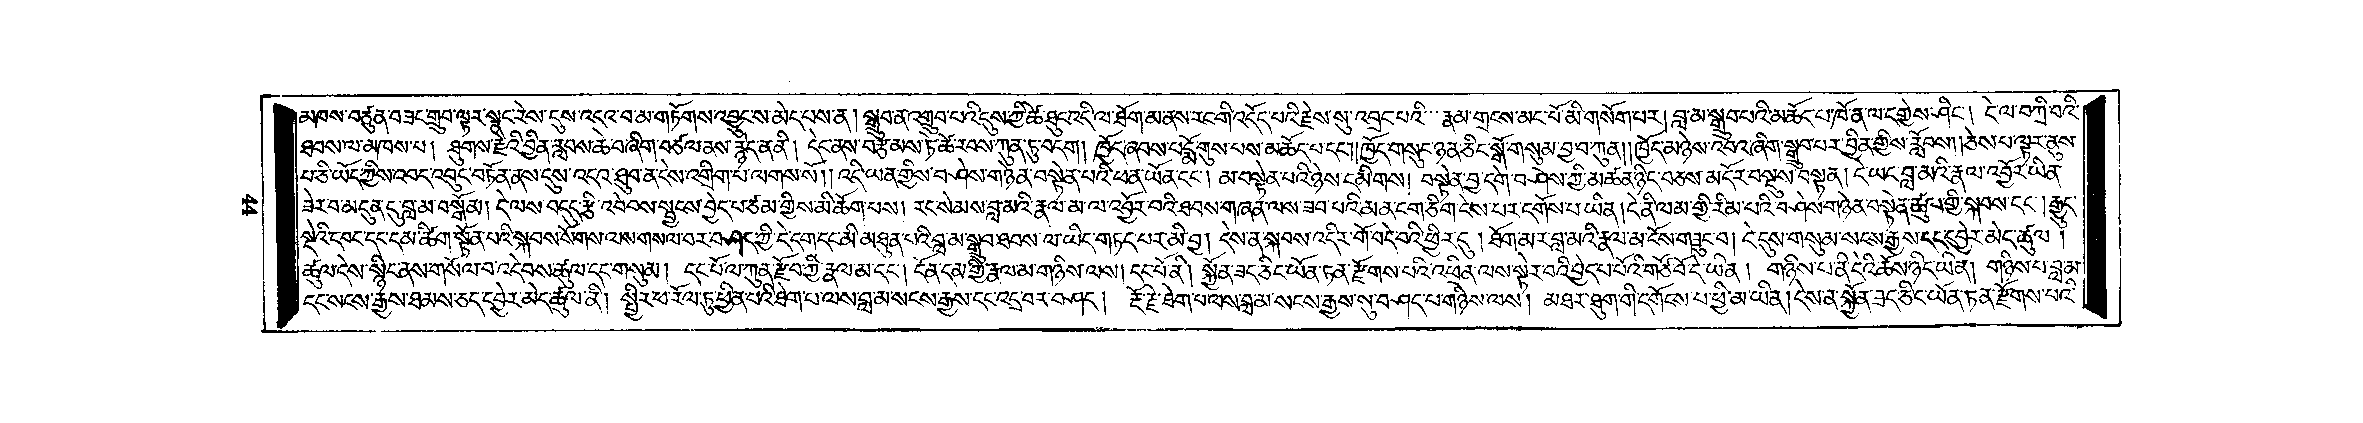མཁས་བཙུན་བཟང་གྲུབ་ལྟར་སྣང་རེས་དུས་འདའ་བ་མ་གཏོགས་འབྱུང་ས་མེད་པས་ན། སྒྲུབ་ན་འགྲུབ་པའི་དུས་ཀྱི་ཚེ་ཐུང་འདི་ལ་ཐོག་མ་ནས་རང་གི་འདོད་པའི་རྗེས་སུ་འབྲང་པའི་རྣམ་གྲངས་མང་པོ་མི་གསོག་པར། བླ་མ་སྒྲུབ་པའི་མཆོད་པ་ཁོ་ན་ལ་དགྱེས་ཤིང་། དེ་ལ་བཀྲི་བའི་
ཐབས་ལ་མཁས་པ། ཐུགས་རྗེའི་བྱིན་རླབས་ཆེ་བ་ཞིག་བཙལ་ནས་རྙེད་ན་ནི། དེང་ནས་བརྩམས་ཏེ་ཚེ་རབས་ཀུན་ཏུ་བདག །ཁྱོད་ཞབས་པདམོ་གུས་པས་མཆོད་པ་དང་། །ཁྱོད་གསུང་ཉན་ཅིང་སྒོ་གསུམ་བྱ་བ་ཀུན། །ཁྱོད་མཉེས་འབའ་ཞིག་སྒྲུབ་པར་བྱིན་གྱིས་རློབས། །ཅེས་པ་ལྟར་ནུས་
པ་ཅི་ཡོད་ཀྱིས་འབད་འབུང་བཏོན་ནས་དུས་འདའ་ཐུབ་ན་དེས་འགྲིག་པ་ལགས་སོ། །འདི་ཡན་གྱིས་བཤེས་གཉེན་བསྟེན་པའི་ཕན་ཡོན་དང་། མ་བསྟེན་པའི་ཉེས་དམིགས། བསྟེན་བྱ་དགེ་བཤེས་ཀྱི་མཚན་ཉིད་བཅས་མདོར་བསྡུས་བསྟན། དེ་ཡང་བླ་མའི་རྣལ་འབྱོར་ཡིན་
ཟེར་བ་མདུན་དུ་བླ་མ་བསྒོམ། དེ་ལས་བདུད་རྩི་འབེབས་སྦྱངས་བྱེད་པ་ཙམ་གྱིས་མི་ཆོག་པས། རང་སེམས་བླ་མའི་རྣལ་མ་ལ་འབྱོར་བའི་ཐབས་གཞན་ལས་ཟབ་པའི་མན་ངག་ཅིག་ངེས་པར་དགོས་པ་ཡིན། དེ་ནི་ལམ་གྱི་རིམ་པའི་བཤེས་གཉེན་བསྟེན་ཚུལ་གྱི་སྐབས་དང་། རྒྱུད་
སྡེའི་དབང་དང་དམ་ཚིག་སྟོན་པའི་སྐབས་སོགས་ལས་གསལ་བར་བཤད་ཀྱི་དེ་དག་དང་མི་མཐུན་པའི་བླ་མ་སྒྲུབ་ཐབས་ལ་ཡིད་གཏད་པར་མི་བྱ། དེས་ན་སྐབས་འདིར་གོ་བདེ་བའི་ཕྱིར་དུ། ཐོག་མར་བླ་མའི་རྣལ་མ་ངོས་གཟུང་བ། དེ་དུས་གསུམ་སངས་རྒྱས་དང་དབྱེར་མེད་ཚུལ།
ཚུལ་དེས་སྙིང་ནས་གསོལ་བ་འདེབས་ཚུལ་དང་གསུམ། དང་པོ་ལ་ཀུན་རྫོབ་ཀྱི་རྣལ་མ་དང་། དོན་དམ་གྱི་རྣལ་མ་གཉིས་ལས། དང་པོ་ནི། སྐྱོན་ཟད་ཅིང་ཡོན་ཏན་རྫོགས་པའི་འཕྲིན་ལས་སྟེར་བའི་བྱེད་པ་པོའི་གཙོ་བོ་དེ་ཡིན། གཉིས་པ་ནི་དེའི་ཆོས་ཉིད་ཡིན། གཉིས་པ་བླ་མ་
དང་སངས་རྒྱས་ཐམས་ཅད་དབྱེར་མེད་ཚུལ་ནི། སྤྱིར་ཕ་རོལ་ཏུ་ཕྱིན་པའི་ཐེག་པ་ལས་བླ་མ་སངས་རྒྱས་དང་འདྲ་བར་བཤད། རྡོ་རྗེ་ཐེག་པ་ལས་བླ་མ་སངས་རྒྱས་སུ་བཤད་པ་གཉིས་ལས། མཐར་ཐུག་གི་དགོངས་པ་ཕྱི་མ་ཡིན། དེས་ན་སྐྱོན་ཟད་ཅིང་ཡོན་ཏན་རྫོགས་པའི་